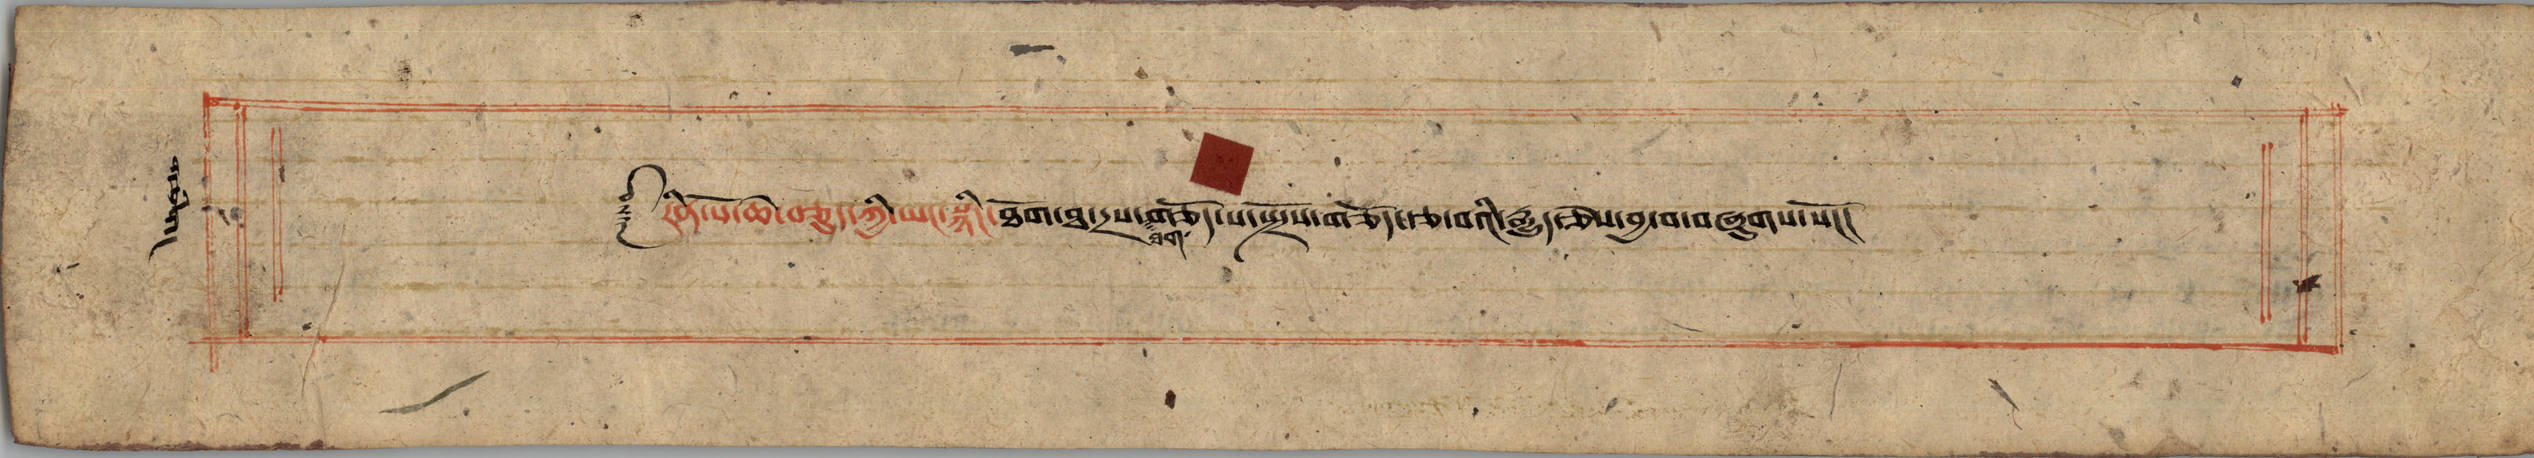༈ རིན་པོ་ཆེ་བཅུད་ཀྱི་ཡང་སྙིང་ཐོག་ཐ་དྲས་ཐག་གཅོད་པ་སྤྲོས་གཅོད་རྩ་བའི་རྒྱུད་ཅེས་བྱ་བ་བཞུགས་སོ།།།